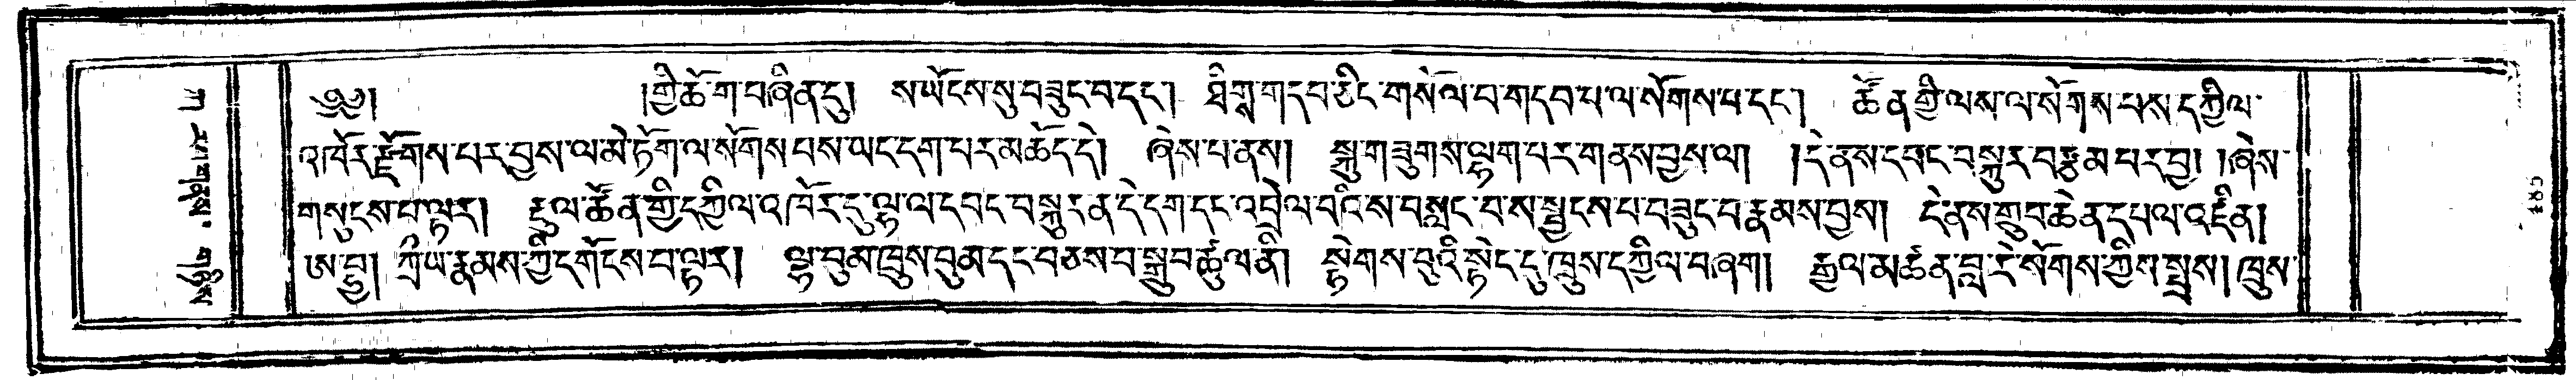༄༅། །གྱི་ཆོ་ག་བཞིན་དུ། ས་ཡོངས་སུ་བཟུང་བ་དང་། ཐིགས་གདབ་ཅིང་གསོལ་བ་གདབ་པ་ལ་སོགས་པ་དང་། ཚོན་གྱི་ལས་ལ་སོགས་པས་དཀྱིལ་
འཁོར་རྫོགས་པར་བྱས་ལ་མེ་ཏོག་ལ་སོགས་པས་ཡང་དག་པར་མཆོད་དེ། ཞེས་པ་ནས། སྐུ་གཟུགས་ལྷག་པར་གནས་བྱས་ལ། །དེ་ནས་དབང་བསྐུར་བརྩམ་པར་བྱ། །ཞེས་
གསུངས་པ་ལྟར། རྡུལ་ཚོན་གྱི་དཀྱིལ་འཁོར་དུ་ལྷ་ལ་དབང་བསྐུར་ན་དེ་དག་དང་འབྲེལ་བའི་ས་བསླད་བ་ས་སྦྱངས་པ་བཟུང་བ་རྣམས་བྱས། དེ་ནས་གྲུབ་ཆེན་དཔལ་འཛིན།
ཨ་བྷྱ། ཀྲྀ་ཡ་རྣམས་ཀྱི་དགོངས་པ་ལྟར། ལྷ་བུམ་ཁྲུས་བུམ་དང་བཅས་བསྒྲུབ་ཚུལ་ནི། སྟེགས་བུའི་སྟེང་དུ་ཁྲུས་དཀྱིལ་བཞག །རྒྱལ་མཚན་བླ་རེ་སོགས་ཀྱིས་སྤྲས། ཁྲུས་